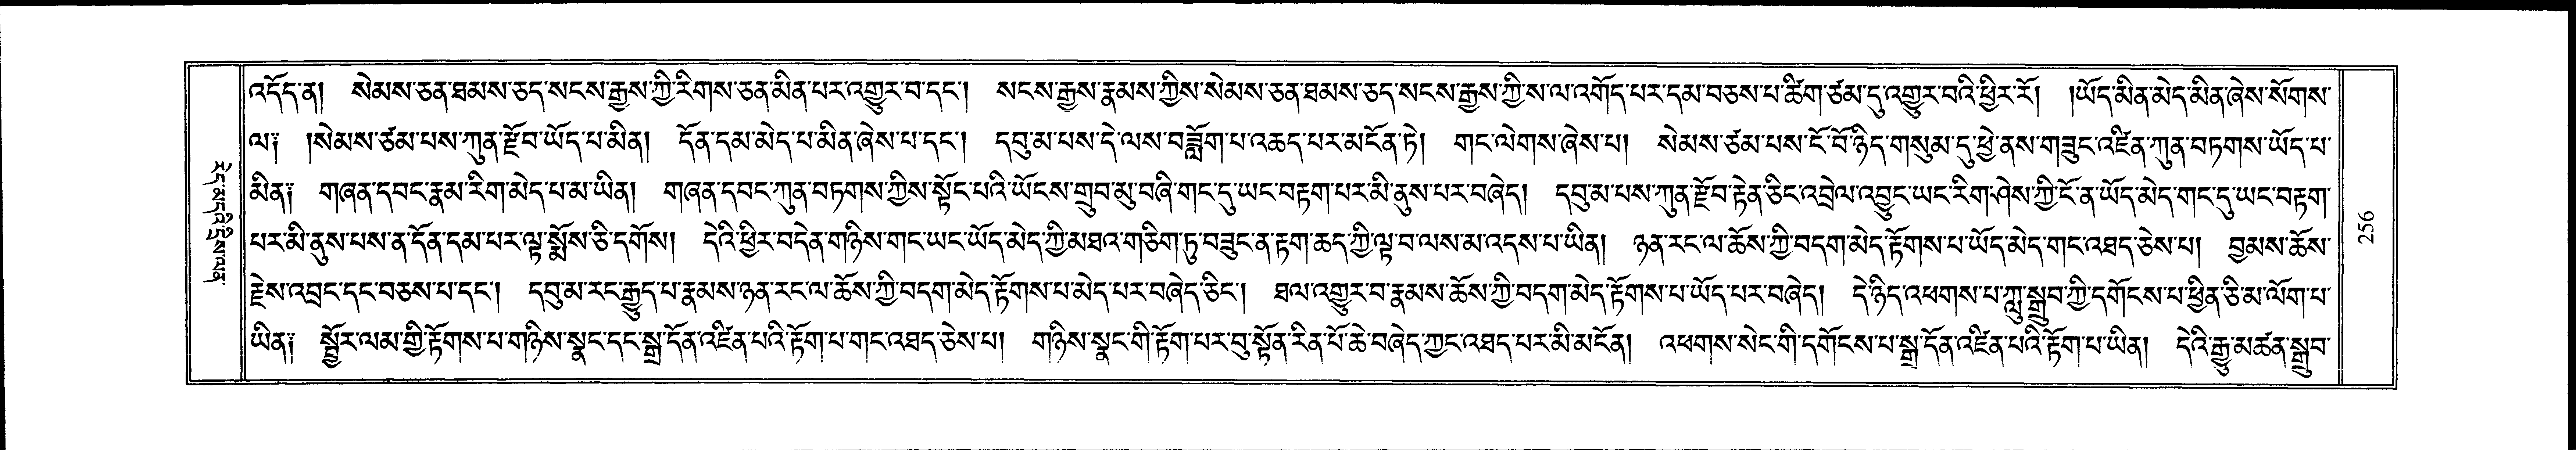འདོད་ན། སེམས་ཅན་ཐམས་ཅད་སངས་རྒྱས་ཀྱི་རིགས་ཅན་མིན་པར་འགྱུར་བ་དང་། སངས་རྒྱས་རྣམས་ཀྱིས་སེམས་ཅན་ཐམས་ཅད་སངས་རྒྱས་ཀྱི་ས་ལ་འགོད་པར་དམ་བཅས་པ་ཚིག་ཙམ་དུ་འགྱུར་བའི་ཕྱིར་རོ། །ཡོད་མིན་མེད་མིན་ཞེས་སོགས་
ལ། །སེམས་ཙམ་པས་ཀུན་རྫོབ་ཡོད་པ་མིན། དོན་དམ་མེད་པ་མིན་ཞེས་པ་དང་། དབུ་མ་པས་དེ་ལས་བཟློག་པ་འཆད་པར་མངོན་ཏེ། གང་ལེགས་ཞེས་པ། སེམས་ཙམ་པས་ངོ་བོ་ཉིད་གསུམ་དུ་ཕྱེ་ནས་གཟུང་འཛིན་ཀུན་བཏགས་ཡོད་པ་
མིན། གཞན་དབང་རྣམ་རིག་མེད་པ་མ་ཡིན། གཞན་དབང་ཀུན་བཏགས་ཀྱིས་སྟོང་པའི་ཡོངས་གྲུབ་མུ་བཞི་གང་དུ་ཡང་བརྟག་པར་མི་ནུས་པར་བཞེད། དབུ་མ་པས་ཀུན་རྫོབ་རྟེན་ཅིང་འབྲེལ་འབྱུང་ཡང་རིག་ཤེས་ཀྱི་ངོ་ན་ཡོད་མེད་གང་དུ་ཡང་བརྟག་
པར་མི་ནུས་པས་ན་དོན་དམ་པར་ལྟ་སྨོས་ཅི་དགོས། དེའི་ཕྱིར་བདེན་གཉིས་གང་ཡང་ཡོད་མེད་ཀྱི་མཐའ་གཅིག་ཏུ་བཟུང་ན་རྟག་ཆད་ཀྱི་ལྟ་བ་ལས་མ་འདས་པ་ཡིན། ཉན་རང་ལ་ཆོས་ཀྱི་བདག་མེད་རྟོགས་པ་ཡོད་མེད་གང་འཐད་ཅེས་པ། བྱམས་ཆོས་
རྗེས་འབྲང་དང་བཅས་པ་དང་། དབུ་མ་རང་རྒྱུད་པ་རྣམས་ཉན་རང་ལ་ཆོས་ཀྱི་བདག་མེད་རྟོགས་པ་མེད་པར་བཞེད་ཅིང་། ཐལ་འགྱུར་བ་རྣམས་ཆོས་ཀྱི་བདག་མེད་རྟོགས་པ་ཡོད་པར་བཞེད། དེ་ཉིད་འཕགས་པ་ཀླུ་སྒྲུབ་ཀྱི་དགོངས་པ་ཕྱིན་ཅི་མ་ལོག་པ་
ཡིན། སྦྱོར་ལམ་གྱི་རྟོགས་པ་གཉིས་སྣང་དང་སྒྲ་དོན་འཛིན་པའི་རྟོག་པ་གང་འཐད་ཅེས་པ། གཉིས་སྣང་གི་རྟོག་པར་བུ་སྟོན་རིན་པོ་ཆེ་བཞེད་ཀྱང་འཐད་པར་མི་མངོན། འཕགས་སེང་གི་དགོངས་པ་སྒྲ་དོན་འཛིན་པའི་རྟོག་པ་ཡིན། དེའི་རྒྱུ་མཚན་སྒྲུབ་